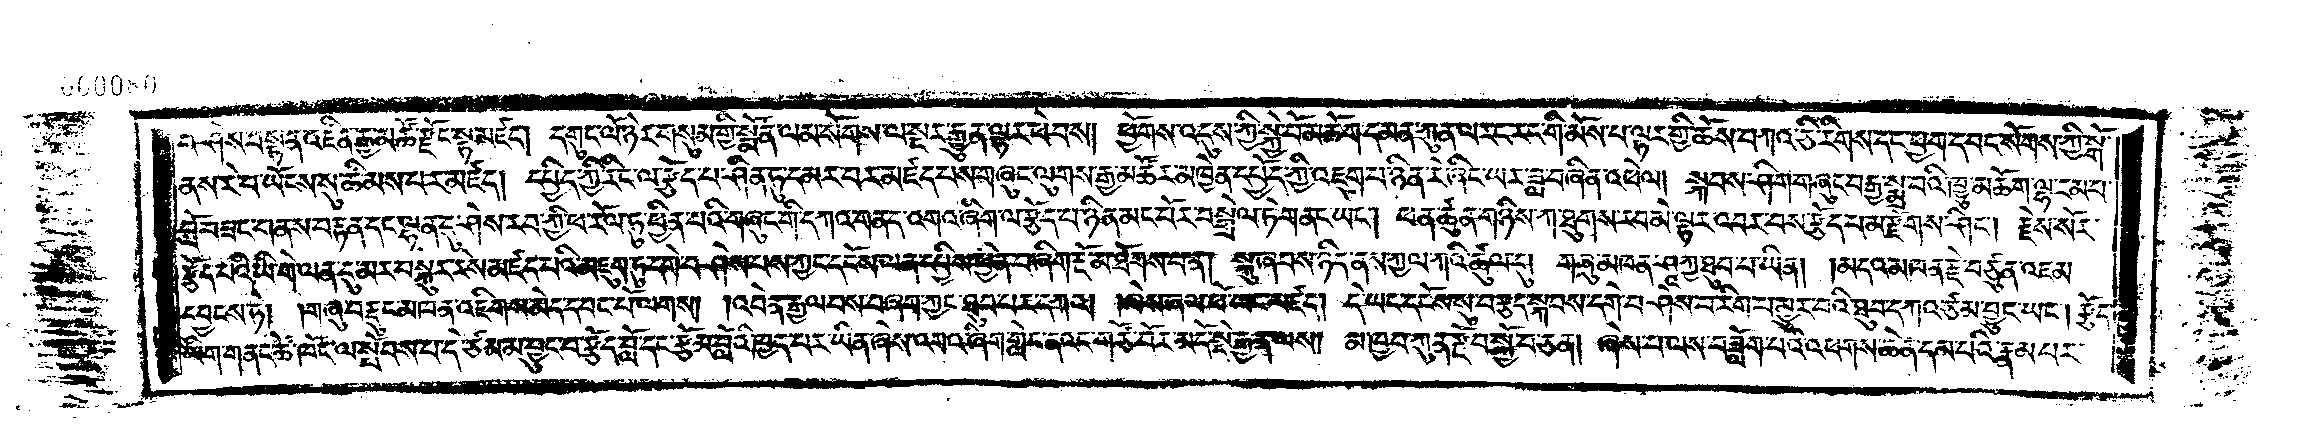བཤེས་བསྟན་འཛིན་རྒྱ་མཚོ་རྫོང་སྟ་མཛད། དགུང་ལོ་ཉེར་གསུམ་གྱི་སྨོན་ལམ་སོགས་ལ་སྔར་རྒྱུན་ལྟར་ཕེབས། ཕྱོགས་འདུས་ཀྱི་སྐྱེ་པོ་མཆོག་དམན་ཀུན་ལ་རང་རང་གི་མོས་པ་ལྟར་གྱི་ཆོས་བཀའ་ཅི་རིགས་དང་ཕྱག་དབང་སོགས་ཀྱི་སྒོ་
ནས་རེ་བ་ཡོངས་སུ་ཆིམས་པར་མཛད། དཔྱིད་ཀྱི་རིང་ལ་རྩོད་པ་ཤིན་ཏུ་དམར་བར་མཛད་པས་གཞུང་ལུགས་རྒྱ་མཚོར་མཁྱེན་དཔྱོད་ཀྱི་འཇུག་པ་ཉིན་རེ་ཞིང་ཡར་ཟླ་བཞིན་འཕེལ། སྐབས་ཤིག་གཞུང་བརྒྱ་སྨྲ་བའི་ཁྱུ་མཆོག་ལྷ་རམ་པ་
བློ་བཟང་གནས་བརྟན་དང་ལྷན་དུ་ཤེས་རབ་ཀྱི་ཕ་རོལ་ཏུ་ཕྱིན་པའི་གཞུང་གི་དཀའ་གནད་འགའ་ཞིག་ལ་རྩོད་པ་ཉིན་མང་པོར་བསྒྲེལ་ཏེ་གནང་ཡང་། ཕན་ཚུན་གཉིས་ཀ་ཐུགས་རབ་མེ་ལྟར་འབར་བས་རྩོད་པ་མ་རྫོགས་ཤིང་། རྗེས་སོར་
རྩོད་པའི་ཡི་གེ་ལན་དུ་མར་བསྐུར་རེས་མཛད་པའི་མཇུག་ཏུ་དགེ་བཤེས་པས་ཀྱང་དངོས་ལན་དཔྱིས་ཕྱེན་པ་ཞིག་རྡོ་མ་ཐོགས་པ་ན། སྐུ་ཞབས་ཉིད་ནས་ཀྱལ་ཀའི་ཚུལ་དུ། གཞུ་མཁན་ཤཱཀྱ་ཐུབ་པ་ཡིན། །མདའ་མཁན་རྗེ་བཙུན་འཇམ་
དབྱངས་ཏེ། །གཞུ་བརྡུང་མཁན་འཇིགས་མེད་དབང་པོ་ལགས། །འབེན་རྒྱལ་བས་བཞག་ཀྱང་ཐུབ་པར་དཀའ། །ཞེས་ཞལ་ཕོ་ཡང་མཛད། དེ་ཡང་དངོས་སུ་བརྩད་སྐབས་དགེ་བཤེས་པ་རིག་པ་མྱུར་བའི་ཐུབ་དཀའ་ཙམ་བྱུང་ཡང་། རྩོད་
ཡིག་གནང་ཚེ་ཁོང་ལ་སྤོབས་པ་དེ་ཙམ་མ་བྱུང་བ་རྩོད་བློ་དང་རྩོམ་བློའི་ཁྱད་པར་ཡིན་ཞེས་འགའ་ཞིག་གླེང་ནའང་གཙོ་བོར་མདོ་སྡེ་རྒྱན་ལས། མ་ཁྱབ་ཀུན་རྫོབ་སྐྱོ་བ་ཅན། ཞེས་པ་ལས་བཟློག་པའི་འཕགས་ཆེན་དམ་པའི་རྣམ་པར་